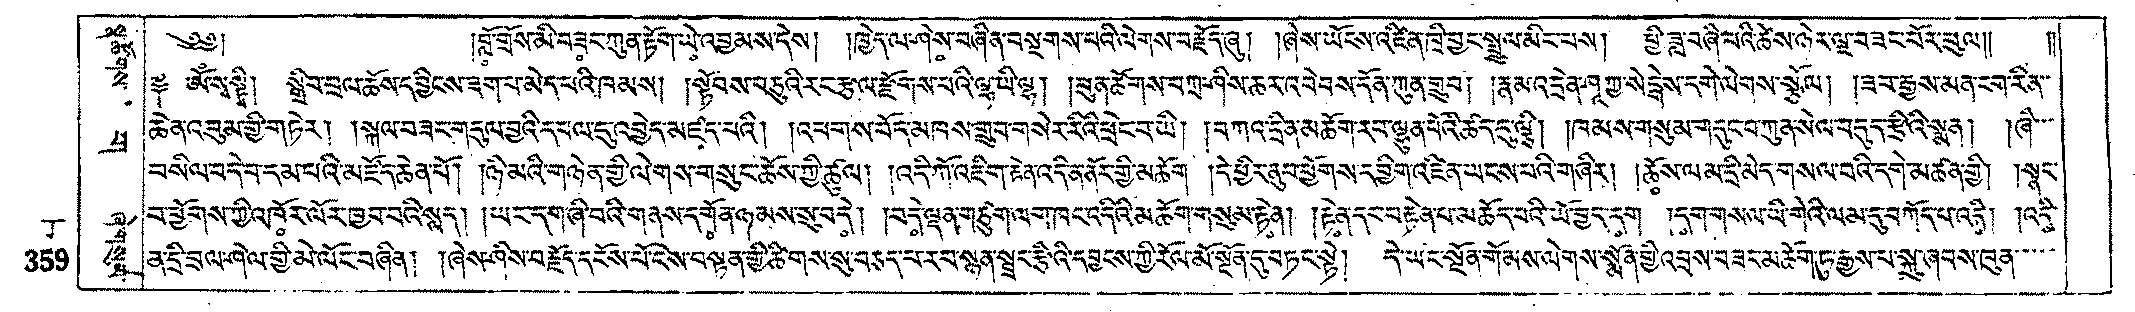༄༅། །བློ྾་གྲོས་མི་བཟང྾་ཀུན་རྟོག་ཡེ྾་འབྱམས་དེས། །ཁྱེད་ལ་ཤེས྾་བཞིན་བསྔགས་པའི་ལེགས་བརྗོད་ཞུ། །ཞེས་ཡོངས་འཛིན་ཁྲི་བྱང་སྤྲུལ་མིང་པས། ཕྱི་ཟླ་བཞི་པའི་ཚེས་ཉེར་ལྔ་བཟང་པོར་ཕུལ།། །།
འ་ཨོཾ་སྭསྟྭི། སྒྲིབ་བྲལ་ཆོས་དབྱིངས་ཟག་པ་མེད་པའི་ཁམས། །སྟོབས་བཅུའི་རང་རྩལ་རྫོགས་པའི་ལྷ་ཡི་ལྷ། །ཕུན་ཚོགས་བཀྲ་ཤིས་ཆར་འབེབས་དོན་ཀུན་གྲུབ། །རྣམ་འདྲེན་ཤཱཀྱ་སེངྒེས་དགེ་ལེགས་སྩོལ། །ཟབ་རྒྱས་མན་ངག་རིན་་་
ཆེན་འབུམ་གྱི་གཏེར། །སྐལ་བཟང་གདུལ་བྱའི་དཔལ་དུ་འབྱེད་མཛད་པའི། །འཕགས་བོད་མཁས་གྲུབ་གསེར་རིའི་ཕྲེང་བ་ཡི། །བཀའ་དྲིན་མཆོག་རབ་ལྷུན་པོའི་ཚད་དུ་ལྕི། །ཁམས་གསུམ་གདུང་བ་ཀུན་སེལ་བདུད་རྩིའི་སྨན། །ཞི་་་
བསིལ་བདེ་བ་དམ་པའི་མཛོད་ཆེན་པོ། །ཉི་མའི་གཉེན་གྱི་ལེགས་གསུང་ཆོས་ཀྱི་ཚུལ། །འདི་ཀོ་འཇིག་རྟེན་འདི་ན་ནོར་གྱི་མཆོག །དེ་ཕྱིར་ནུབ་ཕྱོགས་དབྱིག་འཛིན་ཡངས་པའི་གཞིར། །ཆོས྾་ལམ་དྲི་མེད་གསལ་བའི་དགེ་མཚན་གྱི། །སྣང་
བ་ཕྱོགས་ཀྱི་འཁོར྾་ལོར་ཁྱབ་པའི་སླད། །ཡང་དག་ཞི་བའི་གནས་དགོན྾་ཉམས་སུ་བདེ྾། །བདེ྾་ལྡན་གཙུགས་ལག་ཁང་འདིའི་མཆོག་གསུམ་རྟེན྾། །རྟེན྾་དང་བརྟེན་པ་མཆོད་པའི་ཡོ་བྱད་དག྾་།དག྾་གསལ་ཡི་གེའི་ལམ་དུ་བཀོད་པ་འདི྾། །འདི྾་
ན་དྲི་བྲལ་ཤེལ་གྱི་མེ་ལོང་བཞིན། །ཞེས་ཤིས་བརྗོད་དངོས་པོ་ངེས་བསྟན་གྱི་ཚིགས་སུ་བཅད་པ་རབ་སྙན་སྦྲང་རྩིའི་དབྱངས་ཀྱི་རོལ་མོ་སྔོན་དུ་བཏང་སྟེ། དེ་ཡང་སྔོན་གོམས་ལེགས་སྨོན་གྱི་འབྲས་བཟང་མཆོག་ཏུ་རྒྱས་པ་སྐུ་ཞབས་ཁུན་་་